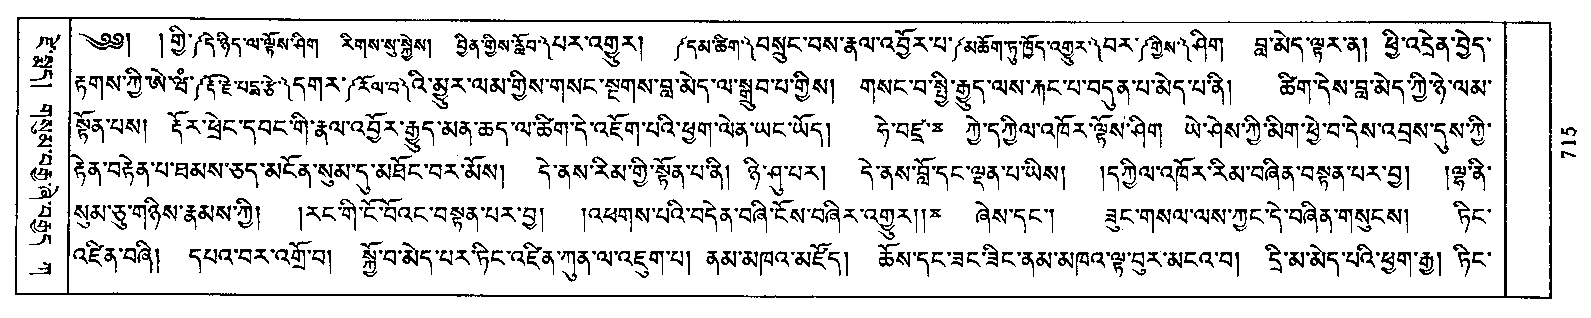༄༅། །གྱི ༼དེ་ཉིད་ལ་ལྟོས་ཤིག་རིགས་སུ་སྐྱེས། བྱིན་གྱིས་རློབ྄་པར་འགྱུར། ༽དམ་ཚིག྄་བསྲུང་བས་རྣལ་འབྱོར་པ ༼མཆོག་ཏུ་ཁྱོད་འགྱུར྄་བར་༽གྱིས྄་ཤིག་བླ་མེད་ལྟར་ན། ཕྱི་འདྲེན་བྱེད་
རྟགས་ཀྱི་ཨེ་ཝཾ ༼རྡོ་རྗེ་པདམ་རྩ྄ེ་དགར་༽རོལ་བ྄་འི་མྱུར་ལམ་གྱིས་གསང་སྔགས་བླ་མེད་ལ་སྒྲུབ་པ་གྱིས། གསང་བ་སྤྱི་རྒྱུད་ལས་རྐང་པ་བདུན་པ་མེད་པ་ནི། ཚིག་དེས་བླ་མེད་ཀྱི་ཉེ་ལམ་
སྟོན་པས། རྡོར་ཕྲེང་དབང་གི་རྣལ་འབྱོར་རྒྱུད་མན་ཆད་ལ་ཚིག་དེ་འཇོག་པའི་ཕྱག་ལེན་ཡང་ཡོད། ཧེ་བཛྲ་྾་ཀྱེ་དཀྱིལ་འཁོར་ལྟོས་ཤིག་ཡེ་ཤེས་ཀྱི་མིག་ཕྱེ་བ་དེས་འབྲས་དུས་ཀྱི་
རྟེན་བརྟེན་པ་ཐམས་ཅད་མངོན་སུམ་དུ་མཐོང་བར་མོས། དེ་ནས་རིམ་གྱི་སྟོན་པ་ནི། ཉི་ཤུ་པར། དེ་ནས་བློ་དང་ལྡན་པ་ཡིས། །དཀྱིལ་འཁོར་རིམ་བཞིན་བསྟན་པར་བྱ། །ལྷ་ནི་
སུམ་ཅུ་གཉིས་རྣམས་ཀྱི། །རང་གི་ངོ་བོའང་བསྟན་པར་བྱ། །འཕགས་པའི་བདེན་བཞི་ངོས་བཞིར་འགྱུར།། ྾་ཞེས་དང་། ཟུང་གསལ་ལས་ཀྱང་དེ་བཞིན་གསུངས། ཏིང་
འཛིན་བཞི། དཔའ་བར་འགྲོ་བ། སྐྱོ་བ་མེད་པར་ཏིང་འཛིན་ཀུན་ལ་འཇུག་པ། ནམ་མཁའ་མཛོད། ཆོས་དང་ཟང་ཟིང་ནམ་མཁའ་ལྟ་བུར་མངའ་བ། དྲི་མ་མེད་པའི་ཕྱག་རྒྱ། ཏིང་